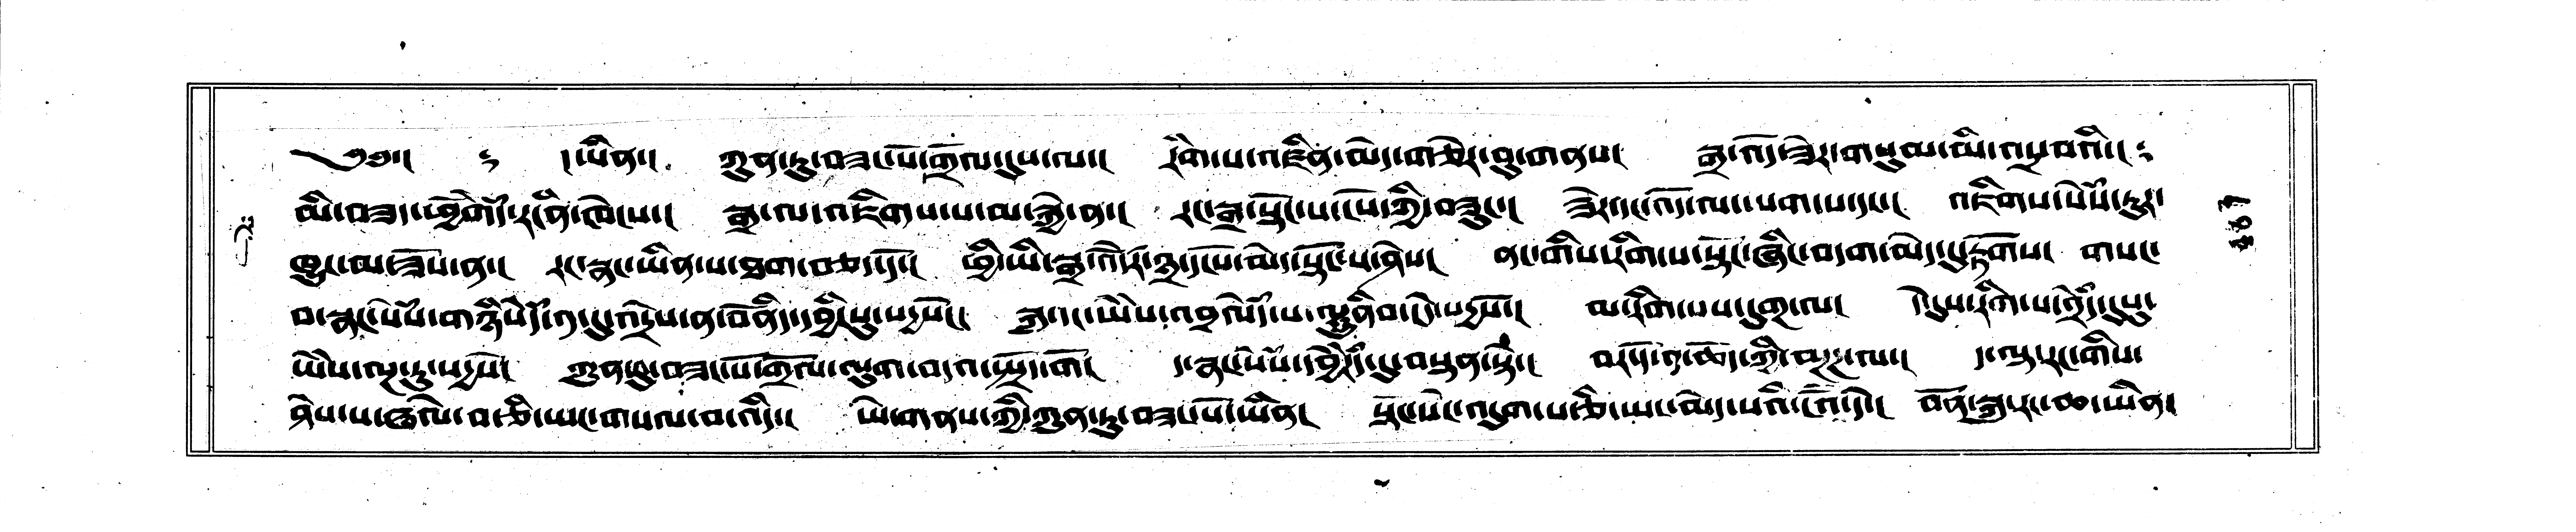ཡིན། ཀུན་ཏུ་བཟང་པོ་གྲོལ་དུས་ལ། རིག་པ་རྟེན་མེད་གཅེར་བུར་གནས། སྒྲ་འོད་ཟེར་གསུམ་མི་འདྲ་བའི། 
མི་བཟོད་ཕྱོགས་མེད་རང་བཞིན་ཁེང་། སྐྲགས་ལ་”སྒྲ”འཇིགས་པ་མ་སྐྱེས་ན། རང་སྒྲ་སྟོང་པར་ངོས་ཀྱིས་བཟུང་། ཟེར་དང་འོད་ལ་ཡག་པ་དང་འཇིགས་སེམས་དུར་
ཁྱུད་མ་ཟོས་ནས། རང་སྣང་ཡིན་པར་ཐག་བཅད་དོ། ཕྱིའི་སྒྲ་འོད་ཟེར་གསུམ་དངོས་མེད་སྟོང་པར་ཤེས། ནང་གི་རིག་པ་སྟོང་ཞིང་བདག་མེད་དུ་རྟོགས། གསང་
བ་སྣང་སེམས་གཉིས་མེད་གཅིག་ཏུ་འདྲེས་ནས་བོན་ཉིད་དབྱིངས་སུ་སངས་རྒྱས་སོ། སྐུ་དང་ཡེ་ཤེས་འདུ་འབྲལ་མེད་པ་ལྷུན་གྱིས་གྲུབ་སྟེ་སངས་རྒྱས་སོ། མ་རིག་པའི་དུག་ལྔ་ལ། དེའི་དུས་རིག་པ་གཉིས་མེད་དུས་སུ། 
ཡེ་ཤེས་ལྔ་རུ་རྒྱས་ནས་སངས་རྒྱས་སོ། ཀུན་དུ་བཟང་པོའི་གྲོལ་ལུགས་བརྡའ་སྤྲོད་ཟུར་ཙམ་མོ། སྣང་སེམས་དབྱེར་མེད་དུ་བསྟན་ཏེ། བར་དོ་གཅིག་ཆོད་ཀྱིས་མེ་ངག་ལ། ད་ལྟ་རང་གིས་
ཤེས་པ་ཝལ་ལེ་བ་ཅི་ཡང་གསལ་བ་འདི། ཡེ་གནས་ཀྱིས་ཀུན་དུ་བཟང་པོ་ཡིན། སྟོང་སང་ངེ་འདུག་སྟེ་ཅི་ཡང་མེད་པའི་ངོའོ་དེ་བོན་སྐུ་རང་ཆས་ཡིིན།